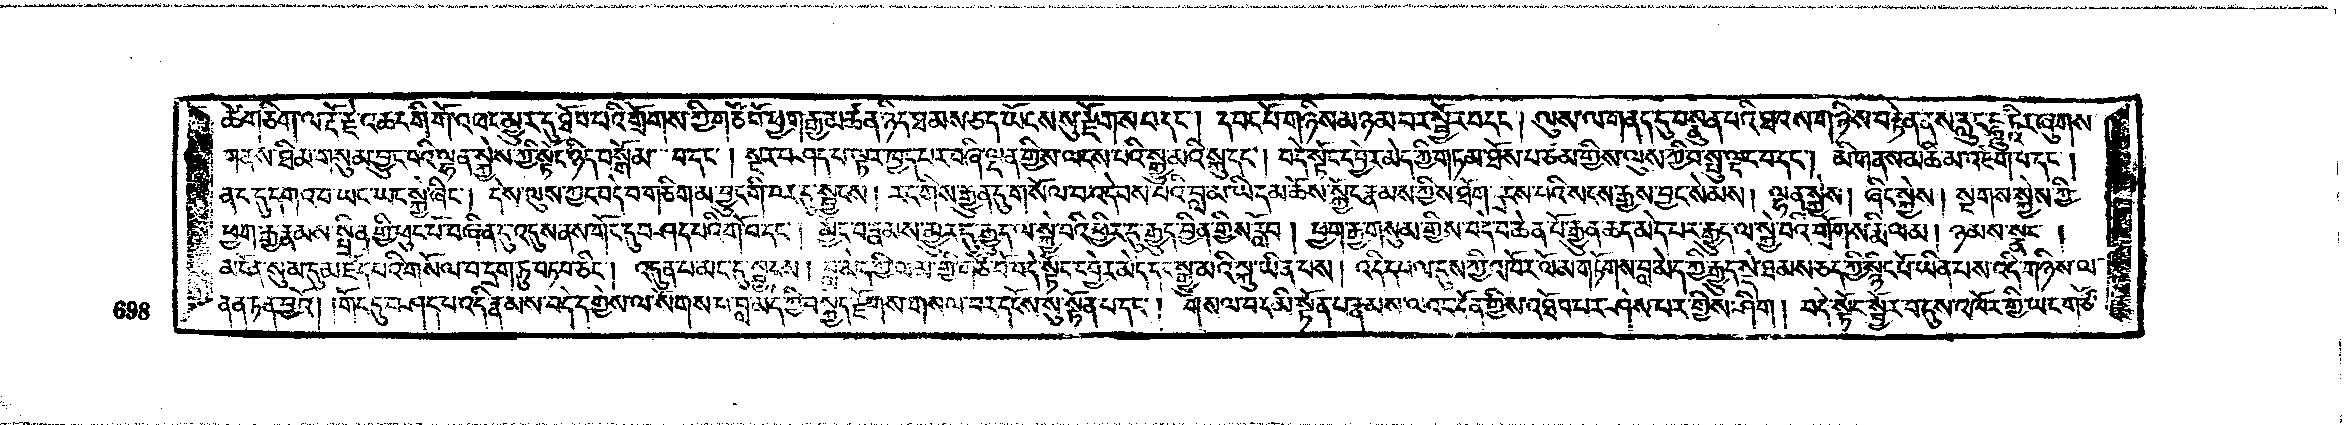ཚེ་གཅིག་ལ་རྡོ་རྗེ་འཆང་གི་གོ་འཕང་མྱུར་དུ་ཐོབ་པའི་གྲོགས་ཀྱི་གཙོ་བོ་ཕྱག་རྒྱ་མཚན་ཉིད་ཐམས་ཅད་ཡོངས་སུ་རྫོགས་པ་དང་། དབང་པོ་གཉིས་མཉམ་པར་སྦྱོར་བ་དང་། ལུས་ལ་གནད་དུ་བསྣུན་པའི་ཐབས་གཉིས་བརྟེན་ནས་རླུང་དྷཱུ་ཏཱིར་ཞུགས་
གནས་ཐིམ་གསུམ་བྱུང་བའི་ལྷན་སྐྱེས་ཀྱི་སྟོང་ཉིད་བསྒོམ་པ་དང་། སྔར་བཤད་པ་ལྟར་ཁྱད་པར་བཞི་ལྡན་གྱིས་ལངས་པའི་སྒྱུ་མའི་སྐུ་དང་། བདེ་སྟོང་དབྱེར་མེད་ཀྱི་གཏམ་ཐོས་པ་ཙམ་གྱིས་ལུས་ཀྱི་བ་སྤུ་ལྡང་བ་དང་། མིག་ནས་མཆི་མ་འཛག་པ་དང་།
ནང་དུ་དགའ་བ་ཡང་ཡང་སྐྱེ་ཞིང་། དེས་ལུས་ཀྱང་བདེ་བ་གཅིག་མ་བྱུང་གི་བར་དུ་སྦྱངས། རང་གིས་རྒྱུན་དུ་གསོལ་བ་འདེབས་པའི་བླ་མ་ཡི་དམ་ཆོས་སྐྱོང་རྣམས་ཀྱིས་ཐོག་དྲངས་པའི་སངས་རྒྱས་བྱང་སེམས། ལྷན་སྐྱེས། ཞིང་སྐྱེས། སྔགས་སྐྱེས་ཀྱི་
ཕྱག་རྒྱ་རྣམས་སྤྲིན་གྱི་ཕུང་པོ་བཞིན་དུ་འདུས་ནས་གོང་དུ་བཤད་པའི་གོ་བ་དང་། མྱོང་བ་རྣམས་མྱུར་དུ་རྒྱུད་ལ་སྐྱེ་བའི་ཕྱིར་དུ་རྒྱུད་བྱིན་གྱིས་རློབ། ཕྱག་རྒྱ་གསུམ་གྱིས་བདེ་བ་ཆེན་པོ་རྒྱུན་ཆད་མེད་པར་རྒྱུད་ལ་སྐྱེ་བའི་གྲོགས་རྨི་ལམ། ཉམས་སྣང་།
མངོན་སུམ་དུ་མཛད་པའི་གསོལ་བ་དྲག་ཏུ་བཏབ་ཅིང་། འདུན་པ་མང་དུ་སྦྱངས། བླ་མེད་ཀྱི་ལམ་གྱི་གཙོ་བོ་བདེ་སྟོང་དབྱེར་མེད་དང་སྒྱུ་མའི་སྐུ་ཡིན་པས། འདི་དཔལ་དུས་ཀྱི་འཁོར་ལོ་མ་གཏོགས་བླ་མེད་ཀྱི་རྒྱུད་སྡེ་ཐམས་ཅད་ཀྱི་སྙིང་པོ་ཡིན་པས་འདི་གཉིས་ལ་
ནན་ཏན་བྱའོ། །གོང་དུ་བཤད་པ་འདི་རྣམས་བདེ་དགྱེས་ལ་སོགས་པ་བླ་མེད་ཀྱི་བསྐྱེད་རྫོགས་གསལ་བར་དངོས་སུ་སྟོན་པ་དང་། གསལ་བར་མི་སྟོན་པ་རྣམས་ལའང་དོན་གྱིས་འཐོབ་པར་ཤེས་པར་གྱིས་ཤིག །བདེ་སྟོང་སྦྱོར་བ་དུས་འཁོར་གྱི་ཡང་གཙོ་